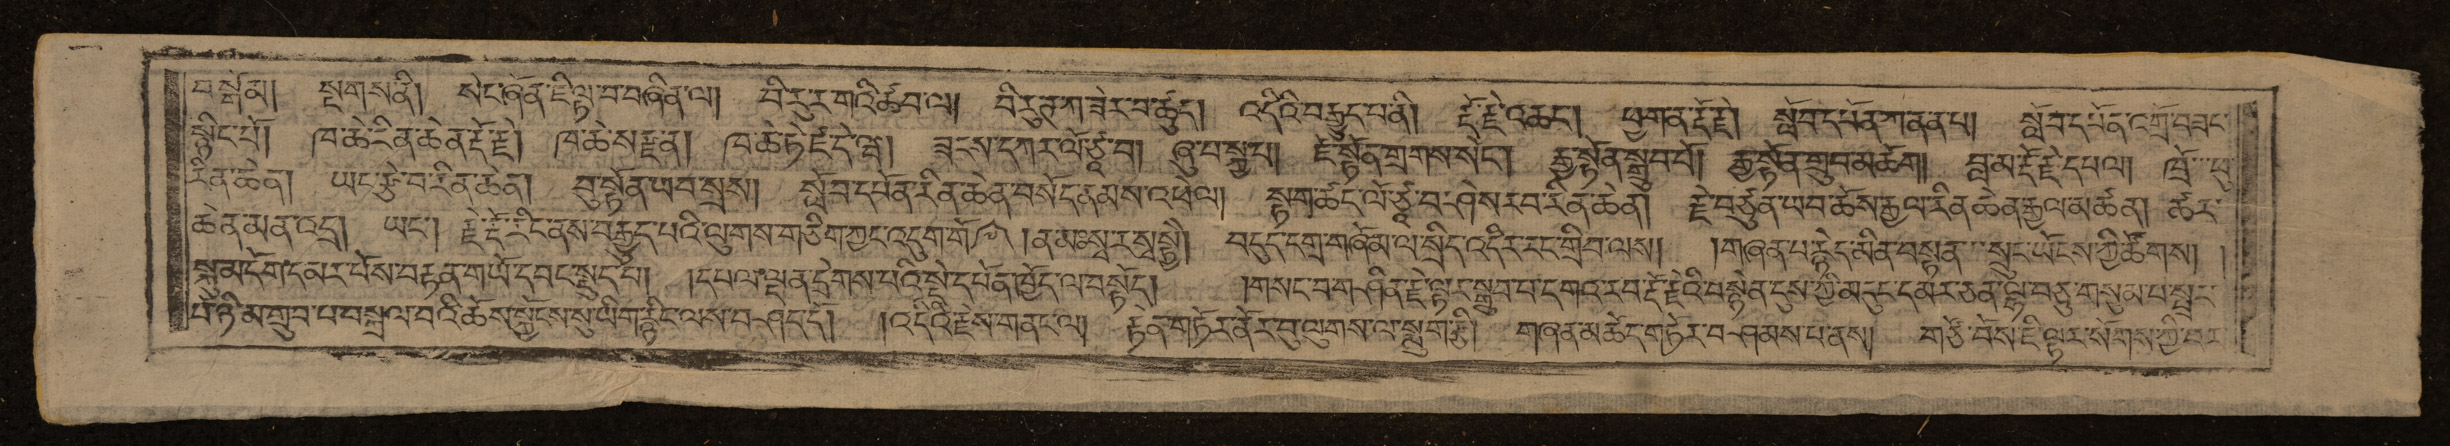བསྒོམ། སྔགས་ནི། སེང་ཞོན་ཇི་ལྟ་བ་བཞིན་ལ། བི་རུ་ར་གའི་ཚབ་ལ། བི་རུ་ཊ་ཀ་ཟེར་བ་ཚུད། འདིའི་བརྒྱུད་བ་ནི། རྡོ་རྗེ་འཆང་། ཕྱག་ན་རྡོ་རྗེ། སློབ་དཔོན་ཀ་ནན་པ། སློབ་དཔོན་འགྲོ་བཟང་
སྙིང་པོ། ཁ་ཆེ་རིན་ཆེན་རྡོ་རྗེ། ཁ་ཆེ་སརྫ་ན། ཁ་ཆེ་ཏེ་ཛ་དེ་ཝ། ཟངས་དཀར་ལོ་ཙཱ་བ། ཞུ་པ་སྐྱ་པ། ཇོ་སྟོན་གྲགས་སེང་། རྒྱ་སྟོན་སྒྲུབ་པོ། རྒྱ་སྟོན་གྲུབ་མཆོག། བླ་མ་རྡོ་རྗེ་དཔལ། ཁྲོ་ཕུ་
རིན་ཆེན། ཡང་རྩེ་བ་རིན་ཆེན། བུ་སྟོན་ཡབ་སྲས། སློབ་དཔོན་རིན་ཆེན་བསོད་ནམས་འཕེལ། སྟག་ཚང་ལོ་ཙཱ་བ་ཤེས་རབ་རིན་ཆེན། རྗེ་བཙུན་ཡབ་ཆོས་རྒྱལ་རིན་ཆེན་རྒྱལ་མཚན། ཚར་
ཆེན་མན་འདྲ། ཡང་། རྗེ་རྡོ་རིང་ནས་བརྒྱུད་པའི་ལུགས་གཅིག་ཀྱང་འདུག་གོ ༧?་།ན་མཿསྭ་ར་སྭསྟྱཻ། བདུད་དགྲ་གཞོམ་ལ་སྲིད་འདིར་རང་གྲིབ་ལས། །གཞན་པ་རྙེད་མིན་བསྟན་སྲུང་ཡོངས་ཀྱི་ཚོགས། །
སྐུ་མདོག་དམར་པོས་བརྟན་གཡོ་དབང་སྡུད་པ། །དཔལ་ལྡན་དྲེགས་པའི་སྡེ་དཔོན་ཁྱོད་ལ་བསྟོད། །གསང་བ་གཤིན་རྗེ་ལྟར་སྒྲུབ་པ་དགའ་རབ་རྡོ་རྗེའི་བསྙེན་དུས་ཀྱི་མདུང་དམར་ཅན་ལྷ་བཅུ་གསུམ་པ་སྤྲང་
པོ་ཉི་མ་གྲུབ་པ་བསྒྲལ་བའི་ཆོས་སྐྱོངས་སུ་ཡིག་རྙིང་ལས་བཤད་དོ། །འདིའི་རྗེས་གནང་ལ། རྟེན་གཏོར་ནོར་བུ་ལུགས་ལ་སྨུག་རྩི། གཞན་མཆོད་གཏོར་བཤམས་པ་ནས། གཙོ་བོས་ཇི་ལྟར་སོགས་ཀྱི་བར་